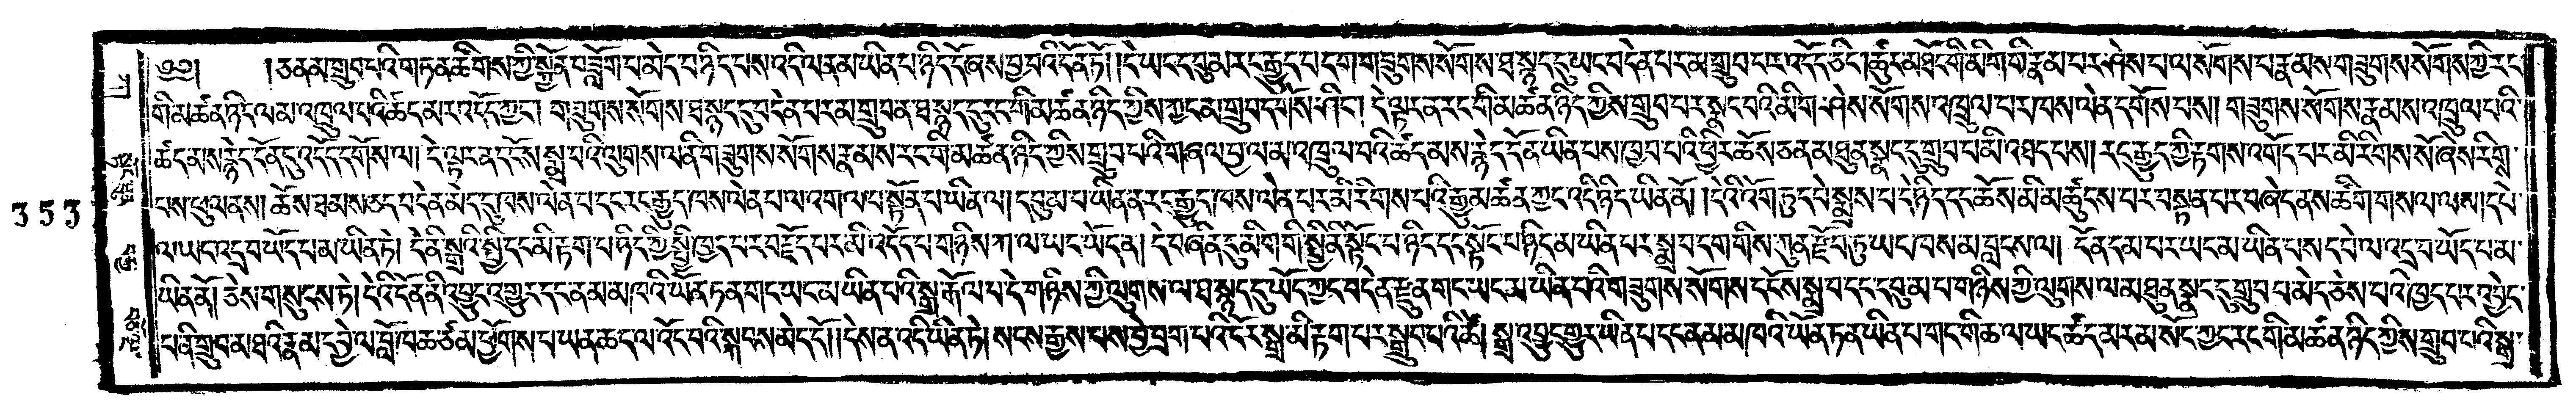༄༅། །ཅན་མ་གྲུབ་པའི་གཏན་ཚིགས་ཀྱི་སྐྱོན་བཟློག་པ་མེད་པ་ཉིད་པས་འདི་ལན་མ་ཡིན་པ་ཉིད་དོ་ཞེས་བྱ་བའི་དོན་ཏོ། །དེ་ཡང་དབུ་མ་རང་རྒྱུད་པ་དག་གཟུགས་སོགས་ཐ་སྙད་དུ་ཡང་བདེན་པར་མ་གྲུབ་པར་འདོད་ཅིང་། ཚུར་མཐོང་གི་མིག་གི་རྣམ་པར་ཤེས་པ་ལ་སོགས་པ་རྣམས་གཟུགས་སོགས་ཀྱི་རང་
གི་མཚན་ཉིད་ལམ་འཁྲུལ་པའི་ཚད་མར་འདོད་ཀྱང་། གཟུགས་སོགས་ཐ་སྙད་དུ་བདེན་པར་མ་གྲུབ་ན་ཐ་སྙད་དུ་རང་གི་མཚན་ཉིད་ཀྱིས་ཀྱང་མ་གྲུབ་དགོས་ཤིང་། དེ་ལྟར་ན་རང་གི་མཚན་ཉིད་ཀྱིས་གྲུབ་པར་སྣང་བའི་མིག་ཤེས་སོགས་འཁྲུལ་པར་ཁས་ལེན་དགོས་པས། གཟུགས་སོགས་རྣམས་འཁྲུལ་པའི་
ཚད་མས་རྙེད་དོན་དུ་འདོད་དགོས་ལ། དེ་ལྟར་ན་དངོས་སྨྲ་བའི་ལུགས་ལ་ནི་གཟུགས་སོགས་རྣམས་རང་གི་མཚན་ཉིད་ཀྱིས་གྲུབ་པའི་གཞལ་བྱ་ལ་མ་འཁྲུལ་བའི་ཚད་མས་རྙེད་དོན་ཡིན་པས་ཁྱབ་པའི་ཕྱིར་ཆོས་ཅན་མཐུན་སྣང་དུ་གྲུབ་པ་མི་འཐད་པས། རང་རྒྱུད་ཀྱི་རྟགས་འགོད་པར་མི་རིགས་སོ་ཞེས་རིགས་
པས་ཕུལ་ནས། ཆོས་ཐམས་ཅད་བདེན་མེད་དུ་ཁས་ལེན་པ་དང་རང་རྒྱུད་ཁས་ལེན་པ་ལ་འགལ་བ་སྟོན་པ་ཡིན་ལ། དབུ་མ་པ་ཡིན་ན་རང་རྒྱུད་ཁས་ལེན་པར་མི་རིགས་པའི་རྒྱུ་མཚན་ཀྱང་འདི་ཉིད་ཡིན་ནོ། །དེའི་འོག་ཏུ་དཔེ་སྨྲས་པ་དེ་ཉིད་དང་ཆོས་མི་མཚུངས་པར་བསྟན་པར་བཞེད་ནས་ཚིག་གསལ་ལ་ལས། དཔེ་
ལ་ཡང་འདྲ་བ་ཡོད་པ་མ་ཡིན་ཏེ། དེ་ནི་སྒྲའི་སྤྱི་དང་མི་རྟག་པ་ཉིད་ཀྱི་སྤྱི་ཁྱད་པར་བརྗོད་པར་མི་འདོད་པ་གཉིས་ཀ་ལ་ཡང་ཡོད་ན། དེ་བཞིན་དུ་མིག་གི་སྤྱི་ནི་སྟོང་པ་ཉིད་དང་སྟོང་པ་ཉིད་མ་ཡིན་པར་སྨྲ་བ་དག་གིས་ཀུན་རྫོབ་ཏུ་ཡང་ཁས་མ་བླངས་ལ། དོན་དམ་པར་ཡང་མ་ཡིན་པས་དཔེ་ལ་འདྲ་བ་ཡོད་པ་མ་
ཡིན་ནོ། ཅེས་གསུངས་ཏེ། དེའི་དོན་ནི་འབྱུང་འགྱུར་དང་ནམ་མཁའི་ཡོན་ཏན་གང་ཡང་མ་ཡིན་པའི་སྒྲ་རྒོལ་པ་དེ་གཉིས་ཀྱི་ལུགས་ལ་ཐ་སྙད་དུ་ཡོད་ཀྱང་བདེན་རྫུན་གང་ཡང་མ་ཡིན་པའི་གཟུགས་སོགས་དངོས་སྨྲ་བ་དང་དབུ་མ་པ་གཉིས་ཀྱི་ལུགས་ལ་མཐུན་སྣང་དུ་གྲུབ་པ་མེད་ཅེས་པའི་ཁྱད་པར་འབྱེད་
པ་ནི་གྲུབ་མཐའི་རྣམ་དབྱེ་ལ་བློ་ཁ་ཆ་ཙམ་ཕྱོགས་པ་ཡན་ཆད་ལ་འོང་བའི་སྐབས་མེད་དོ། །དེས་ན་འདི་ཡིན་ཏེ། སངས་རྒྱས་པས་བྱེ་བྲག་པའི་ངོར་སྒྲ་མི་རྟག་པར་སྒྲུབ་པའི་ཚེ། སྒྲ་འབྱུང་གྱུར་ཡིན་པ་དང་ནམ་མཁའི་ཡོན་ཏན་ཡིན་པ་གང་གི་ཆ་ལ་ཡང་ཚད་མར་མ་སོང་ཀྱང་རང་གི་མཚན་ཉིད་ཀྱིས་གྲུབ་པའི་སྒྲ་